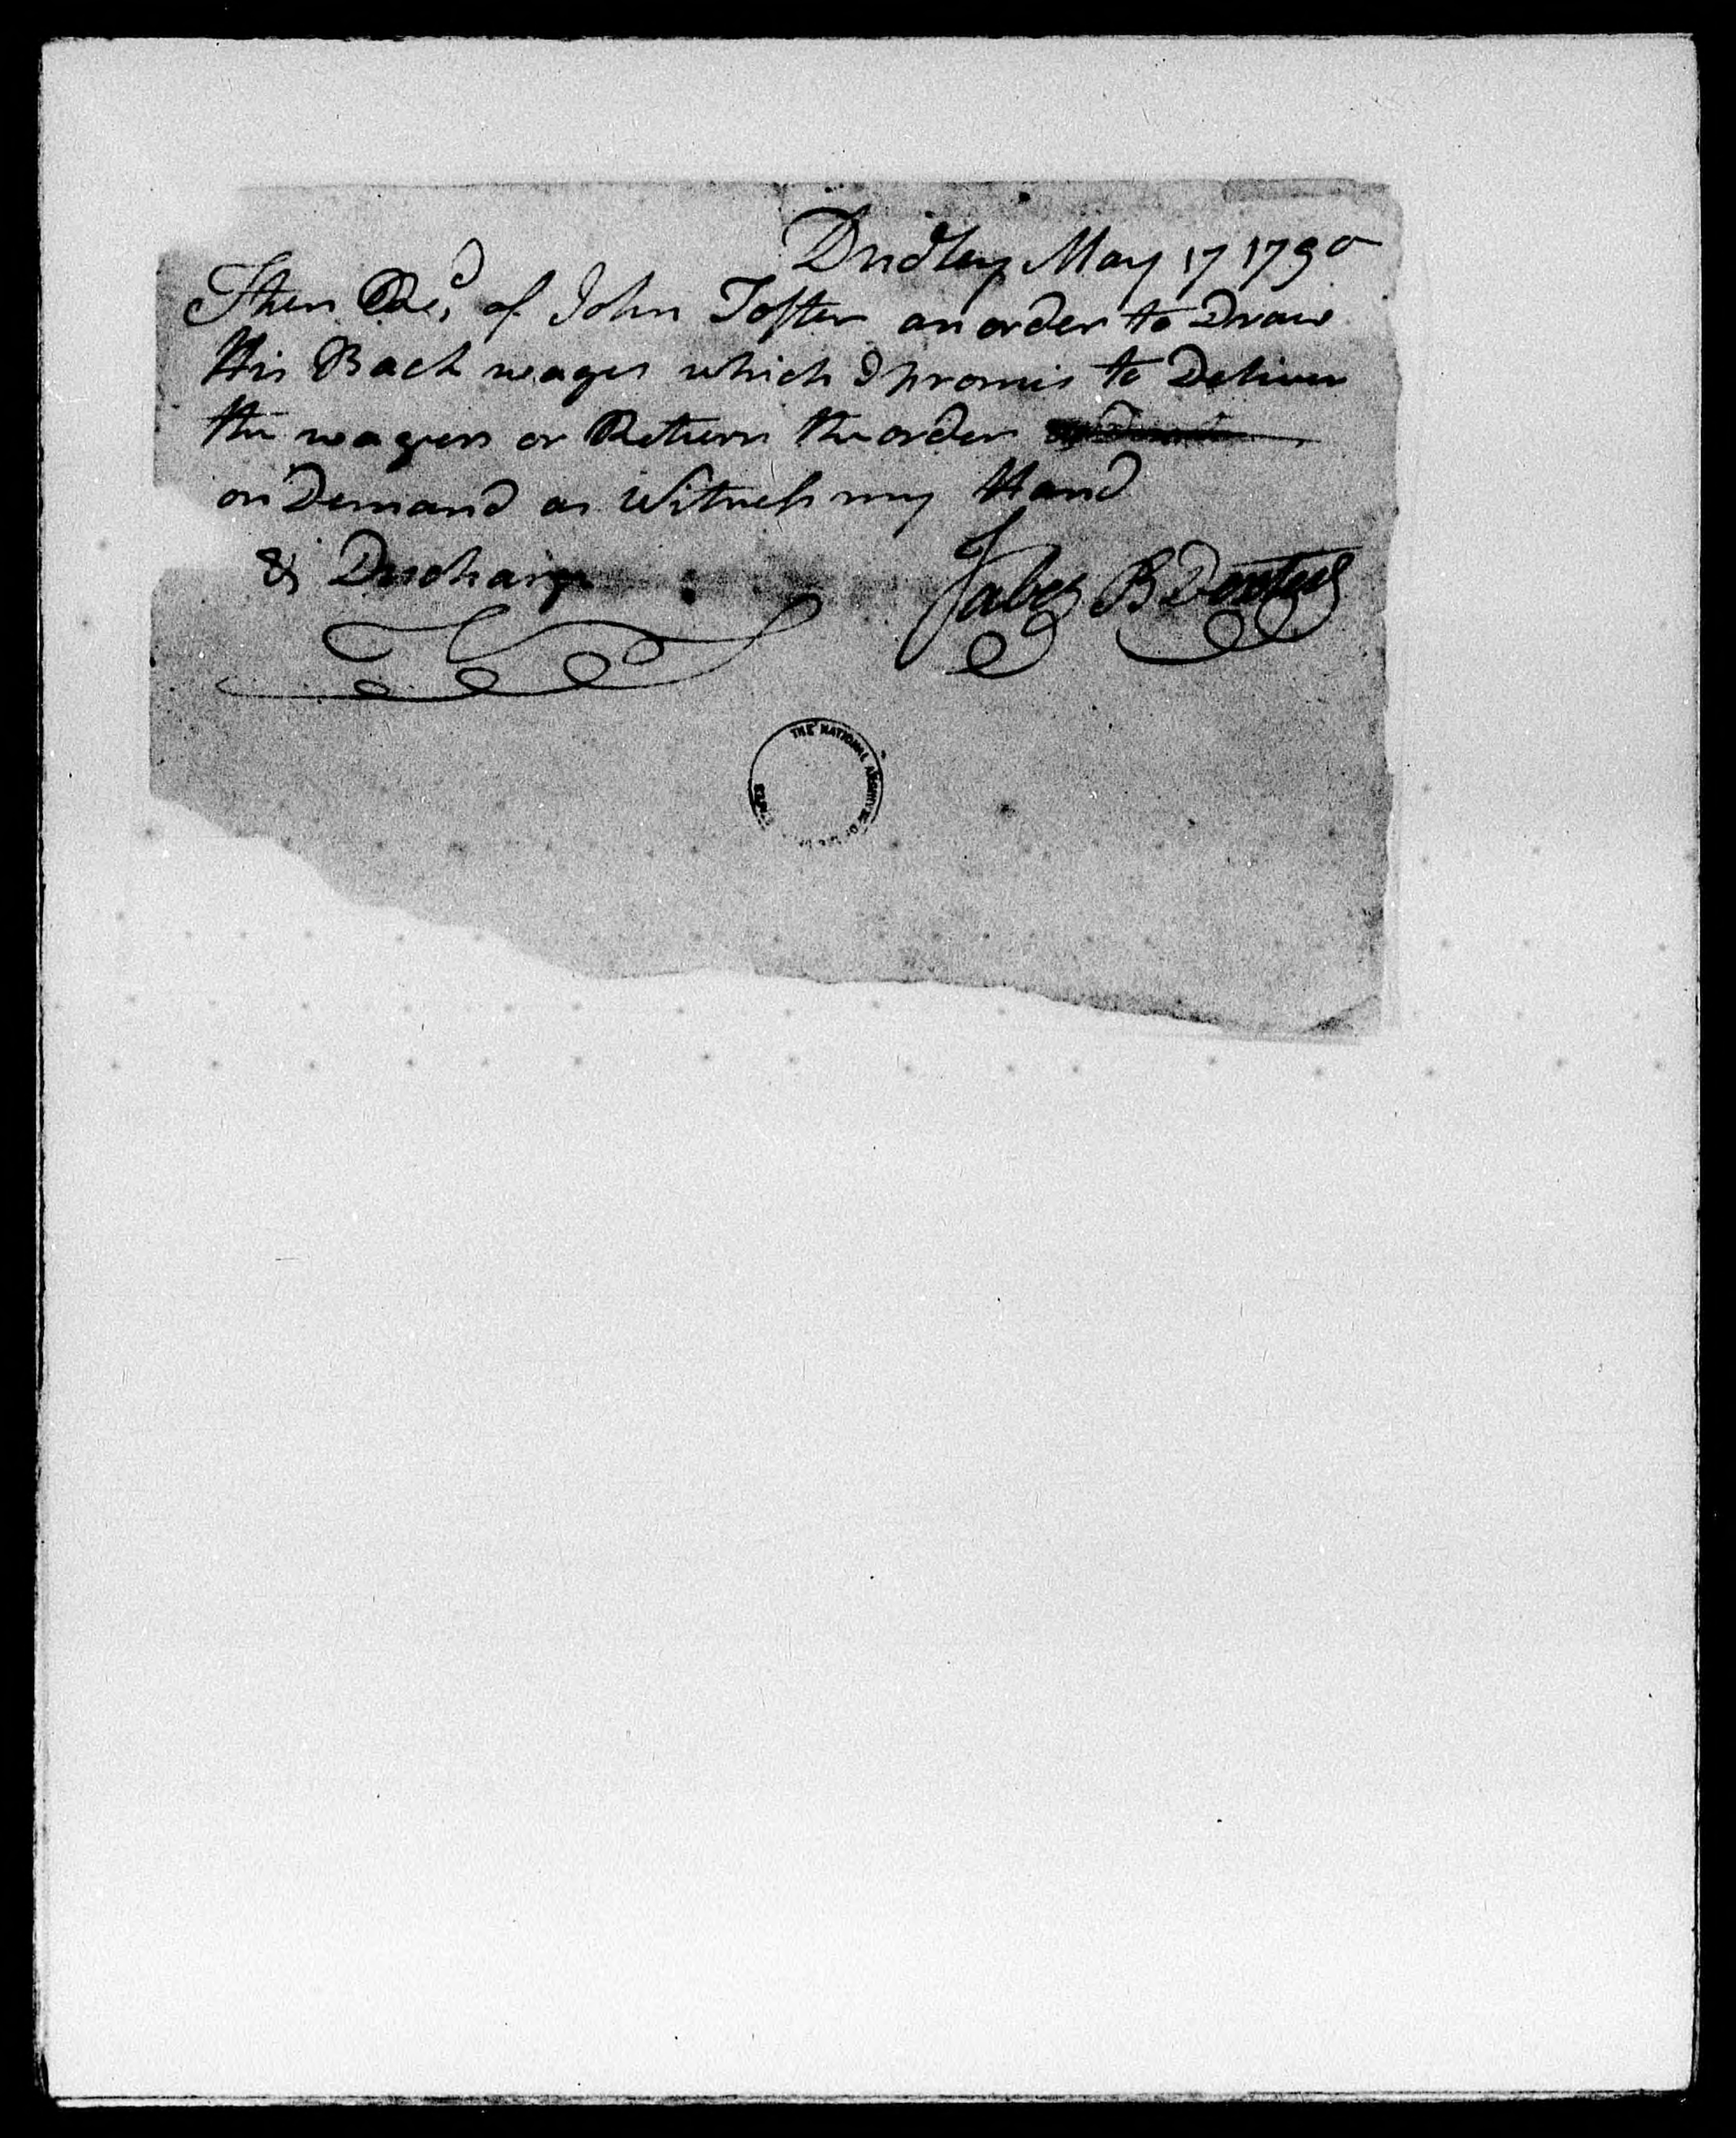Dudley May 17 1790
Then Rec'd of John Foster an order to draw his back wages which I promis [promise] to deliver the wages or return the order on demand as witness my Hand and Discharge
Jabez Dexter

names: Jabez B Dexter, John Foster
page: 18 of 47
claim: widow's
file: W. 7,302, John Foster, Continental Mass. R.I.